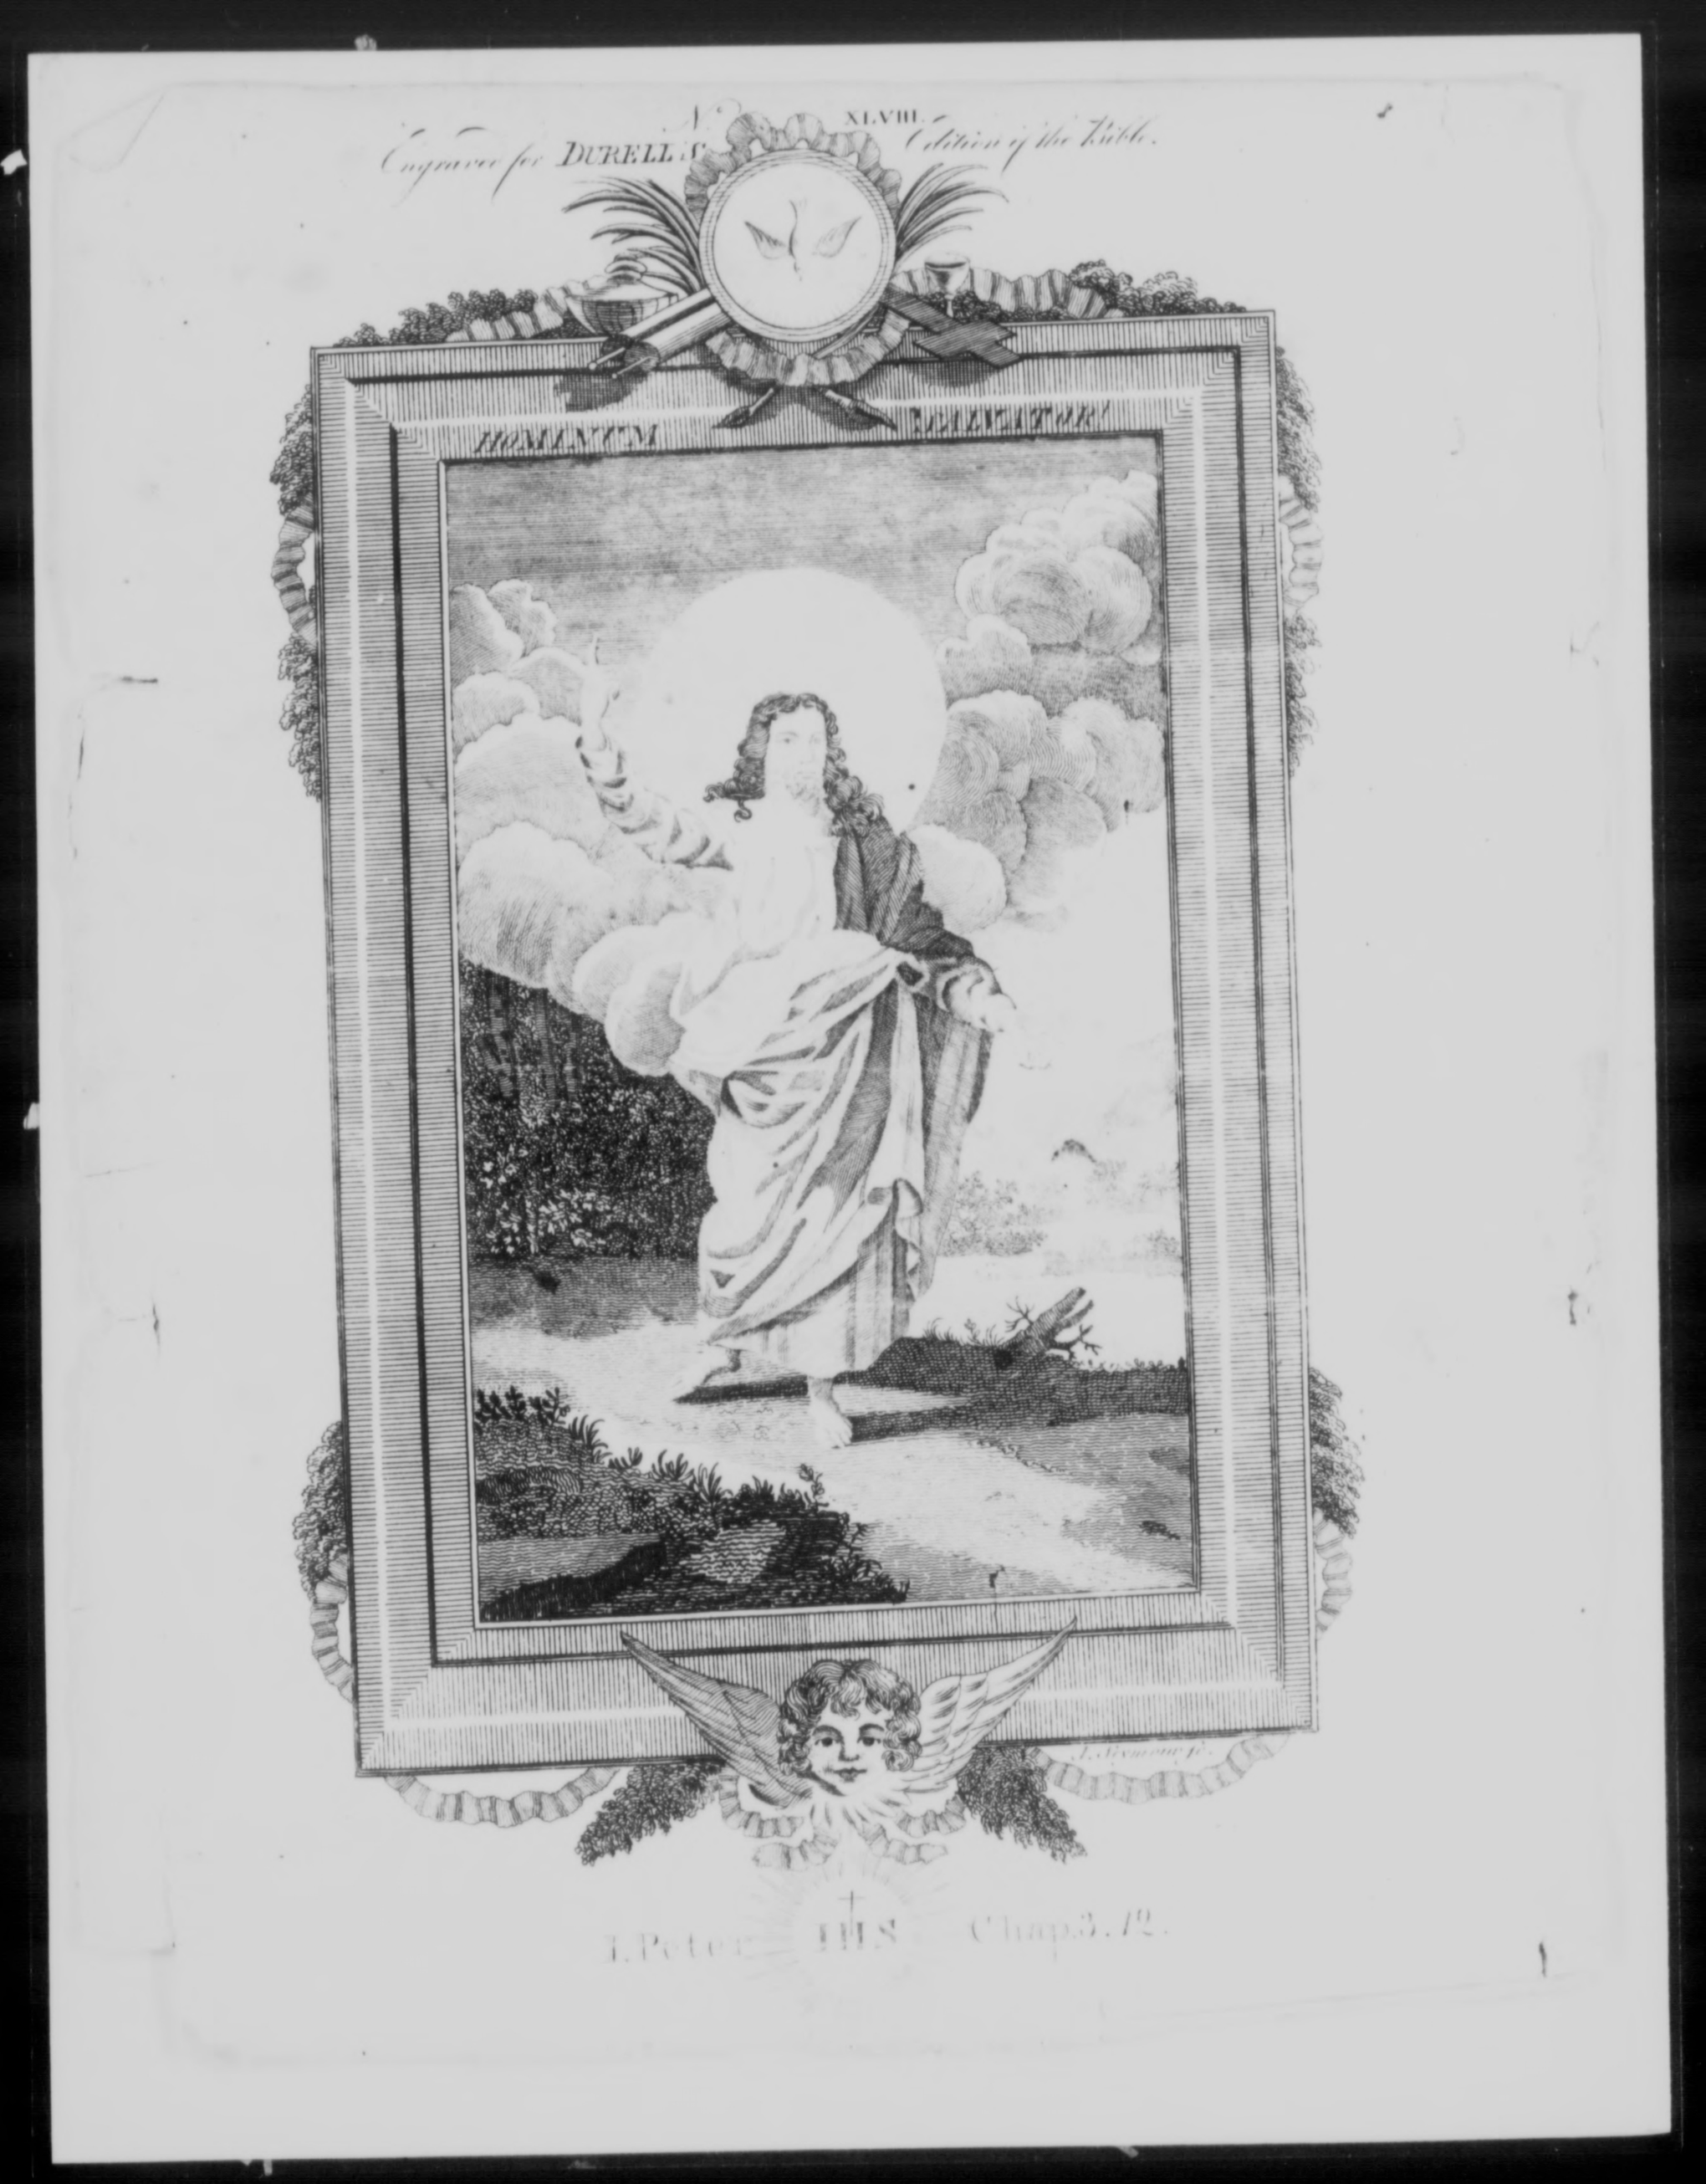No. XL,VIII Edition of the Bible.
Engraver for DURELL'S.

HOMINUM SALVATOR
[illegible]
I. Peter | HIS | Chap. 3.12.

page: 11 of 67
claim: widow's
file: W. 2393, Jacob Williamson, New Jersey